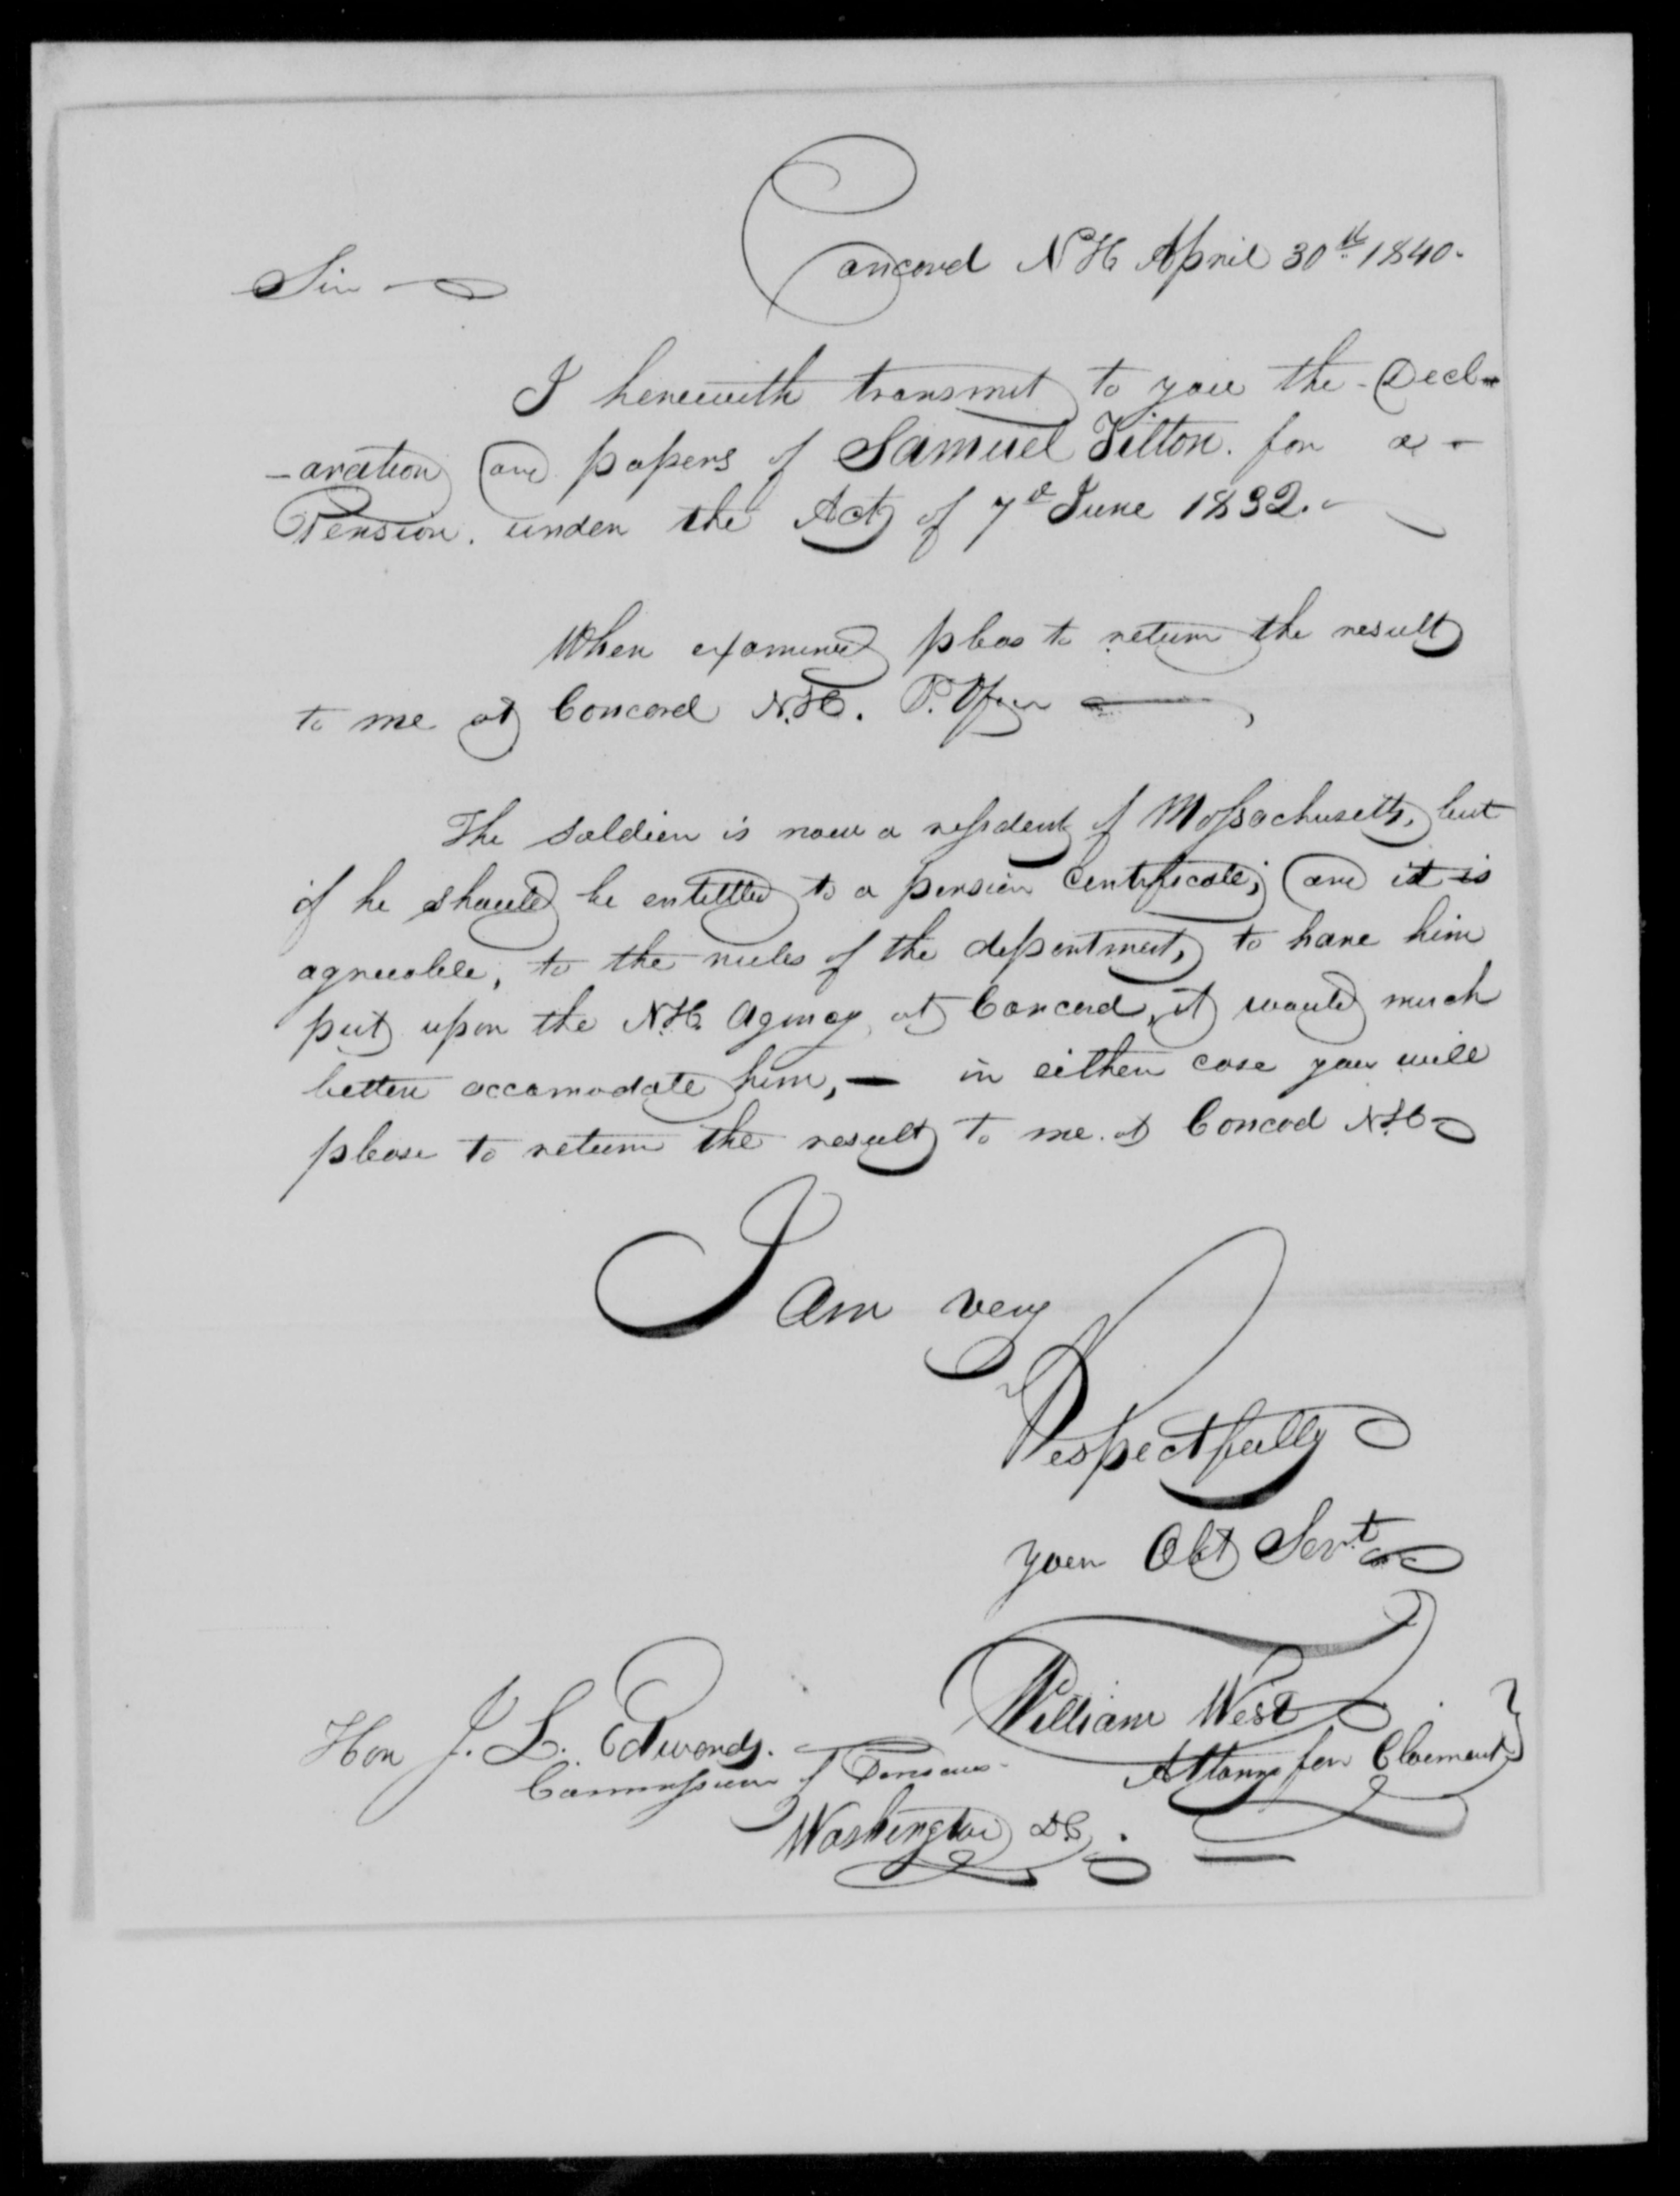Concord NH April 30th 1840
Sir
I herewith transmit to you the Declaration and papers of Samuel Tilton for a Pension under the Act of 7th June 1832.
When examined pleas to return the result
to me at Concord N.H. P. Office.

The soldier is now a resident of Massachusetts, but if he should be entitled to a pension certificate, and it is
agreeable to the rules of the department, to have him put upon the N. H. Agency at Concord it would much better accomodate [accommodate] him, in either case you will
please to return the result to me. at Concord N. H.
I am very
Respectfully
your Obt Sert [Obedient Servant]
William West
Attorney for Claimant

Hon J. L. Edwards
Commissioner of Pensions
Washington DC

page: 29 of 55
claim: widow's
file: W. 14,021, for Samuel Tilton, New Hampshire